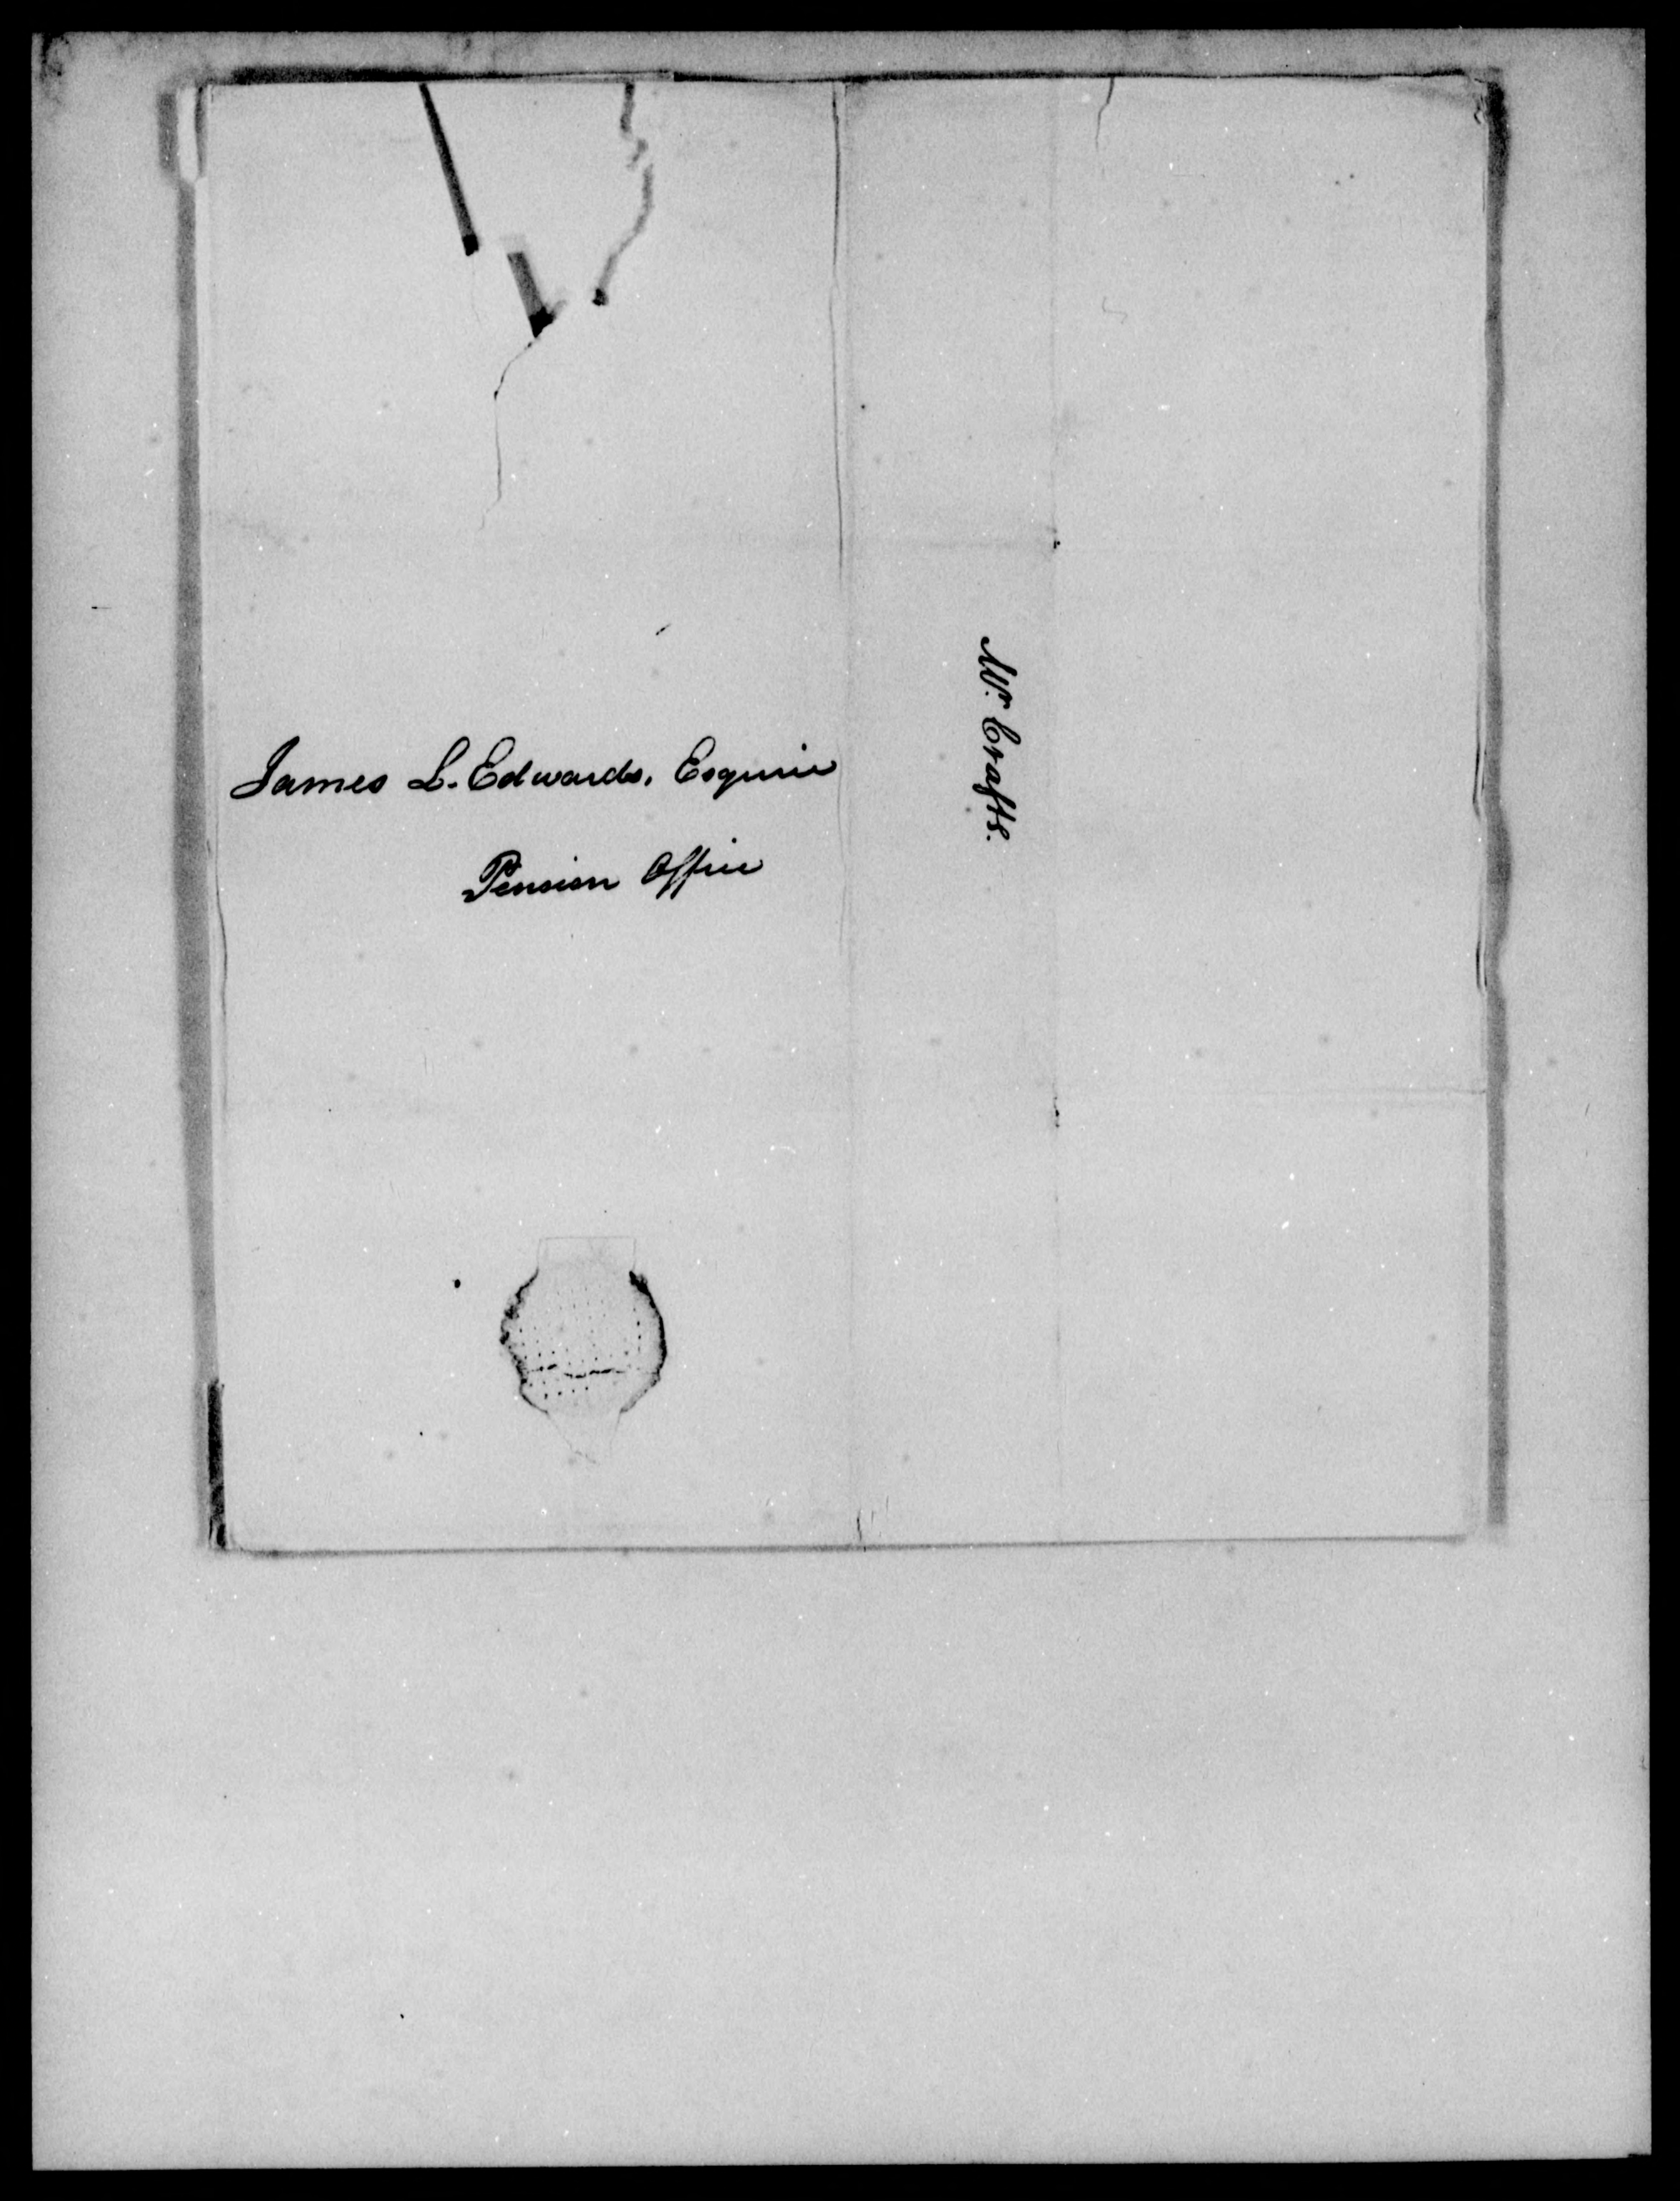James L. Edwards, Esquire
Pension Office

Mr. Crafts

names: James L Edwards, Crafts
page: 48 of 87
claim: widow's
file: W. 25,966, Moses Weld, Mass.